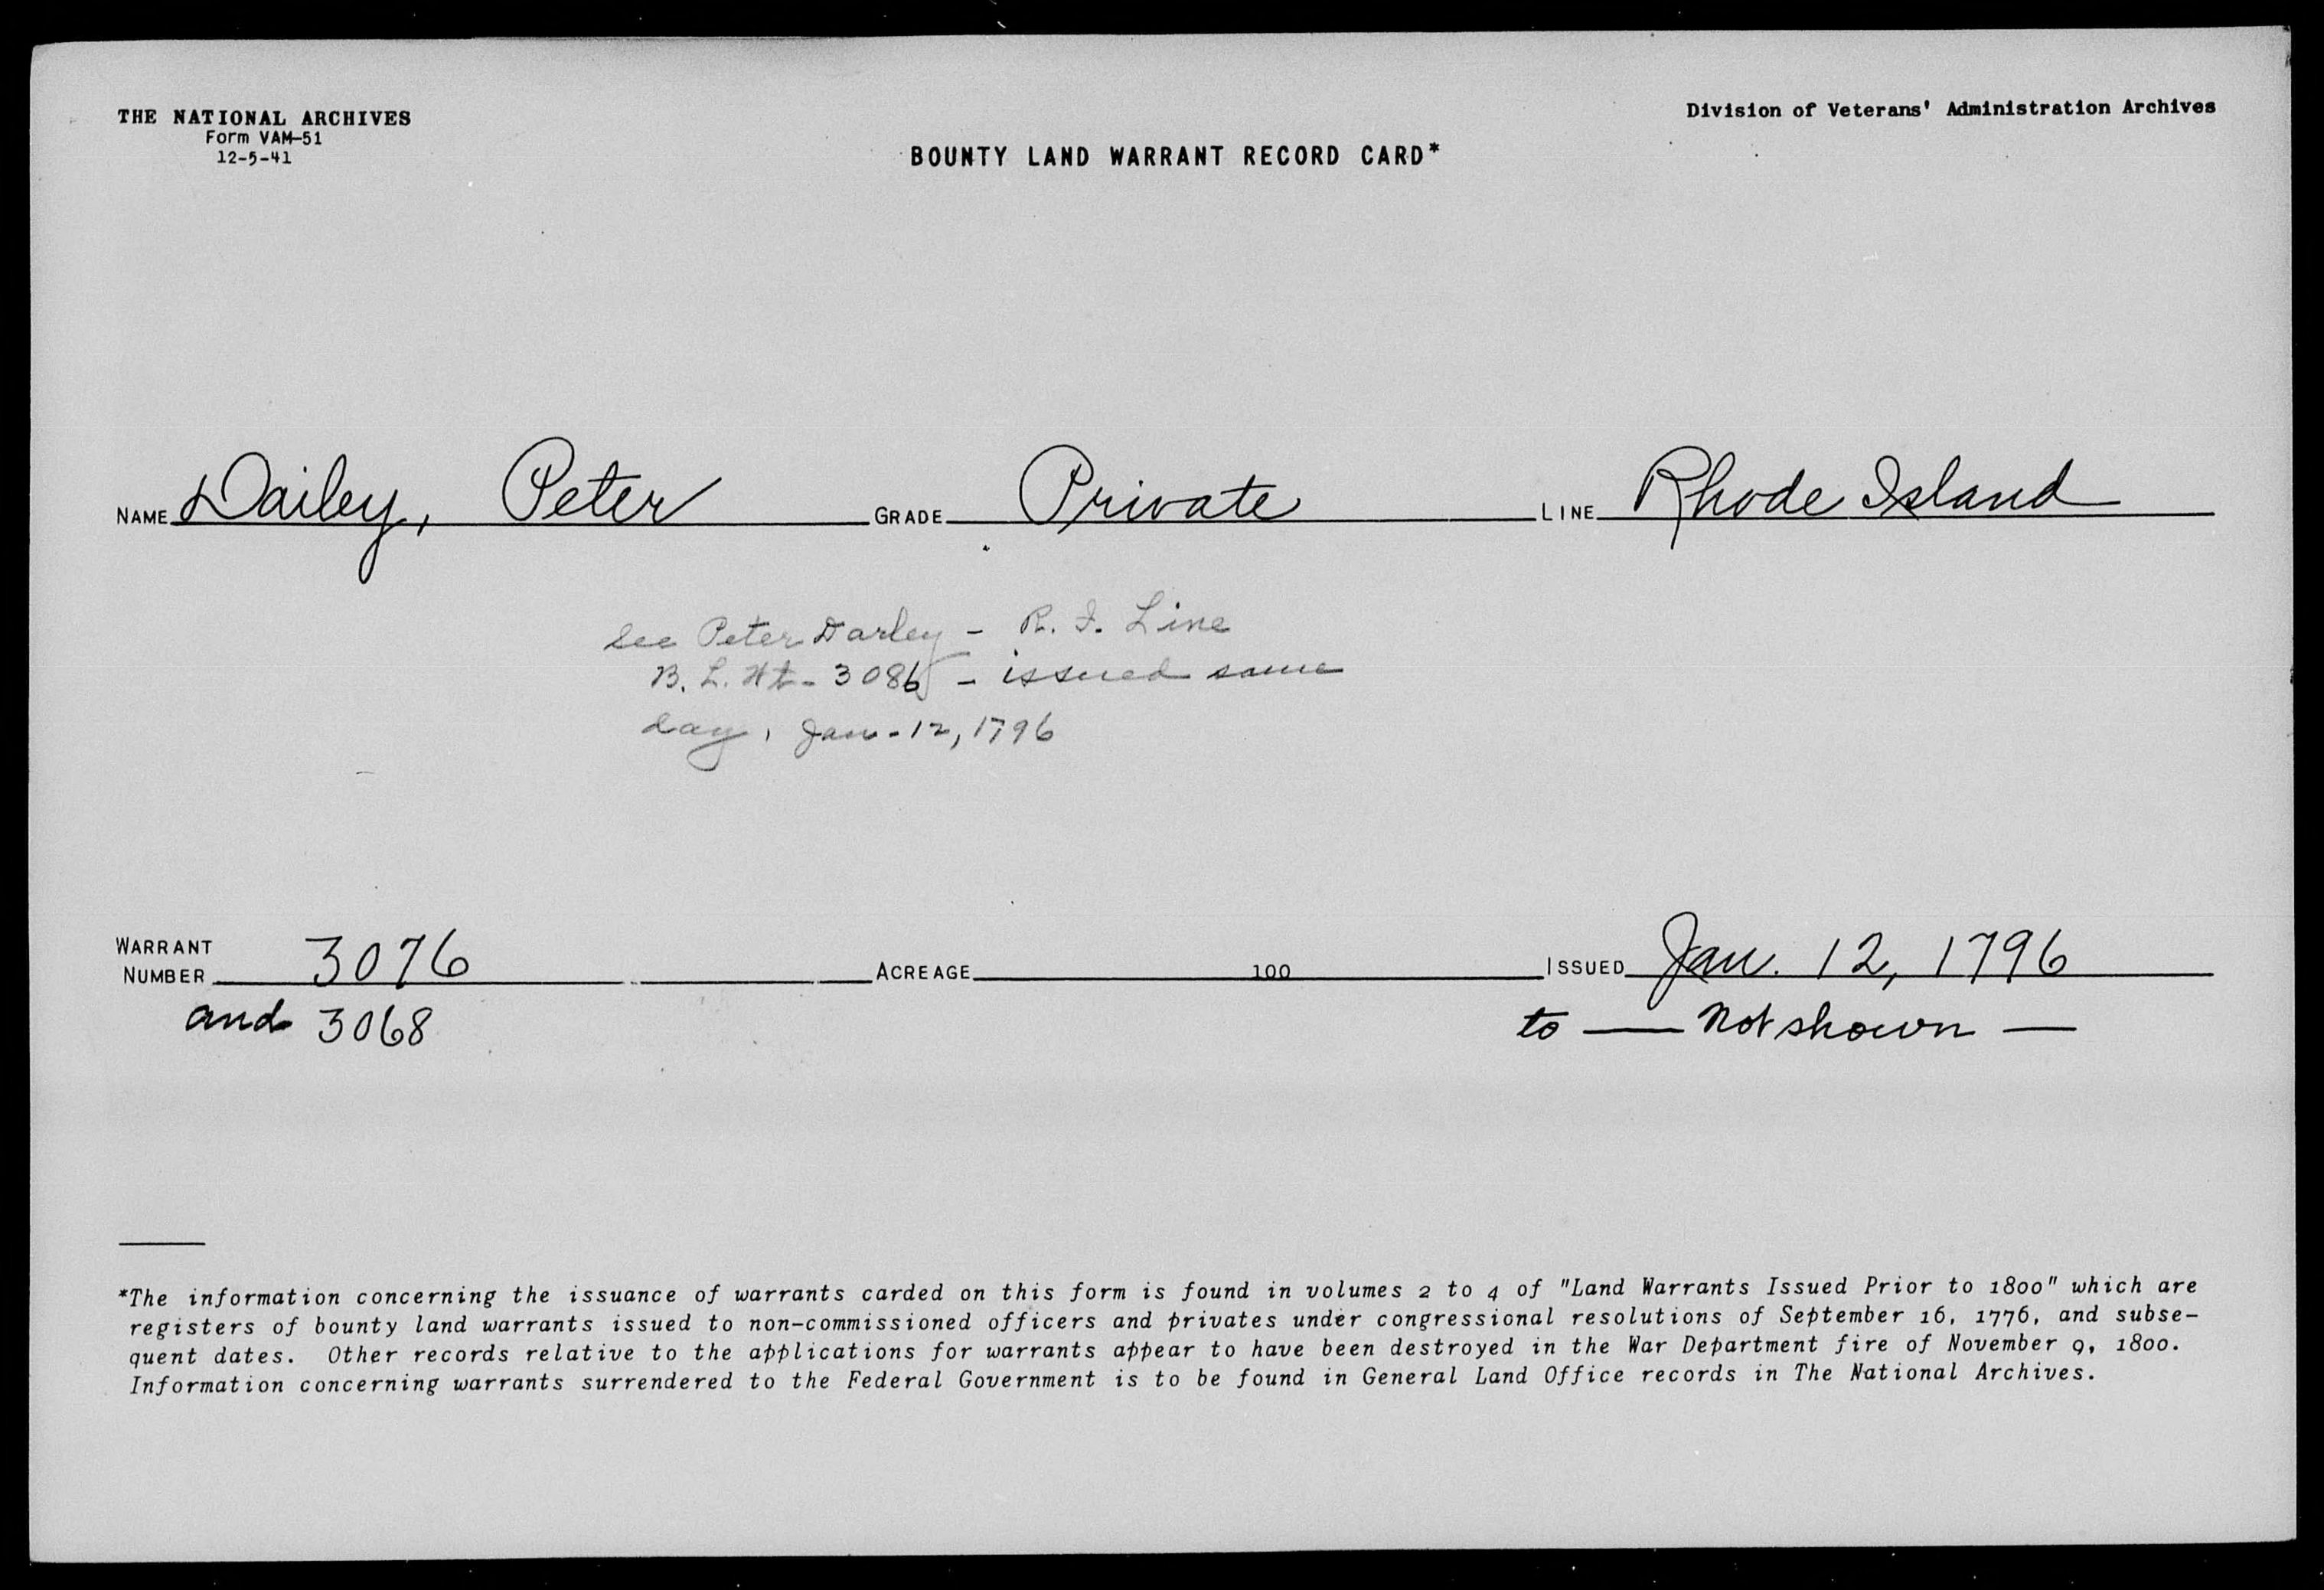THE NATIONAL ARCHIVES
Form VAM-51
12-5-41

Division of Veterans' Administration Archives

BOUNTY LAND WARRANT RECORD CARD*


NAME Dailey, Peter    Grade Private    Line  Rhode Island

WARRANT
NUMBER  3076 and 3068         ACREAGE  100        ISSUED   Jan.  12, 1796
                                                                                                  to ____ not shown___

*The information concerning the issuance of warrants carded on this form is found in volumes 2 to 4 of "Land Warrants Issued Prior to 1800" which are 

registers of bounty land warrants issued to non-commissioned officers and privates under congressional resolutions of September 16, 1776, and subsequent dates.

Other records relative to the applications for warrants appear to have been destroyed in the War Department fire of November 9, 1800.

Information concerning warrants surrendered to the Federal Government is to be found in General Land Office records in The National Archives.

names: R I Line, Peter Dailey, Peter Darley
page: 13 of 13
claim: rejected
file: R. 2,622, Owen Dailey, S.C.